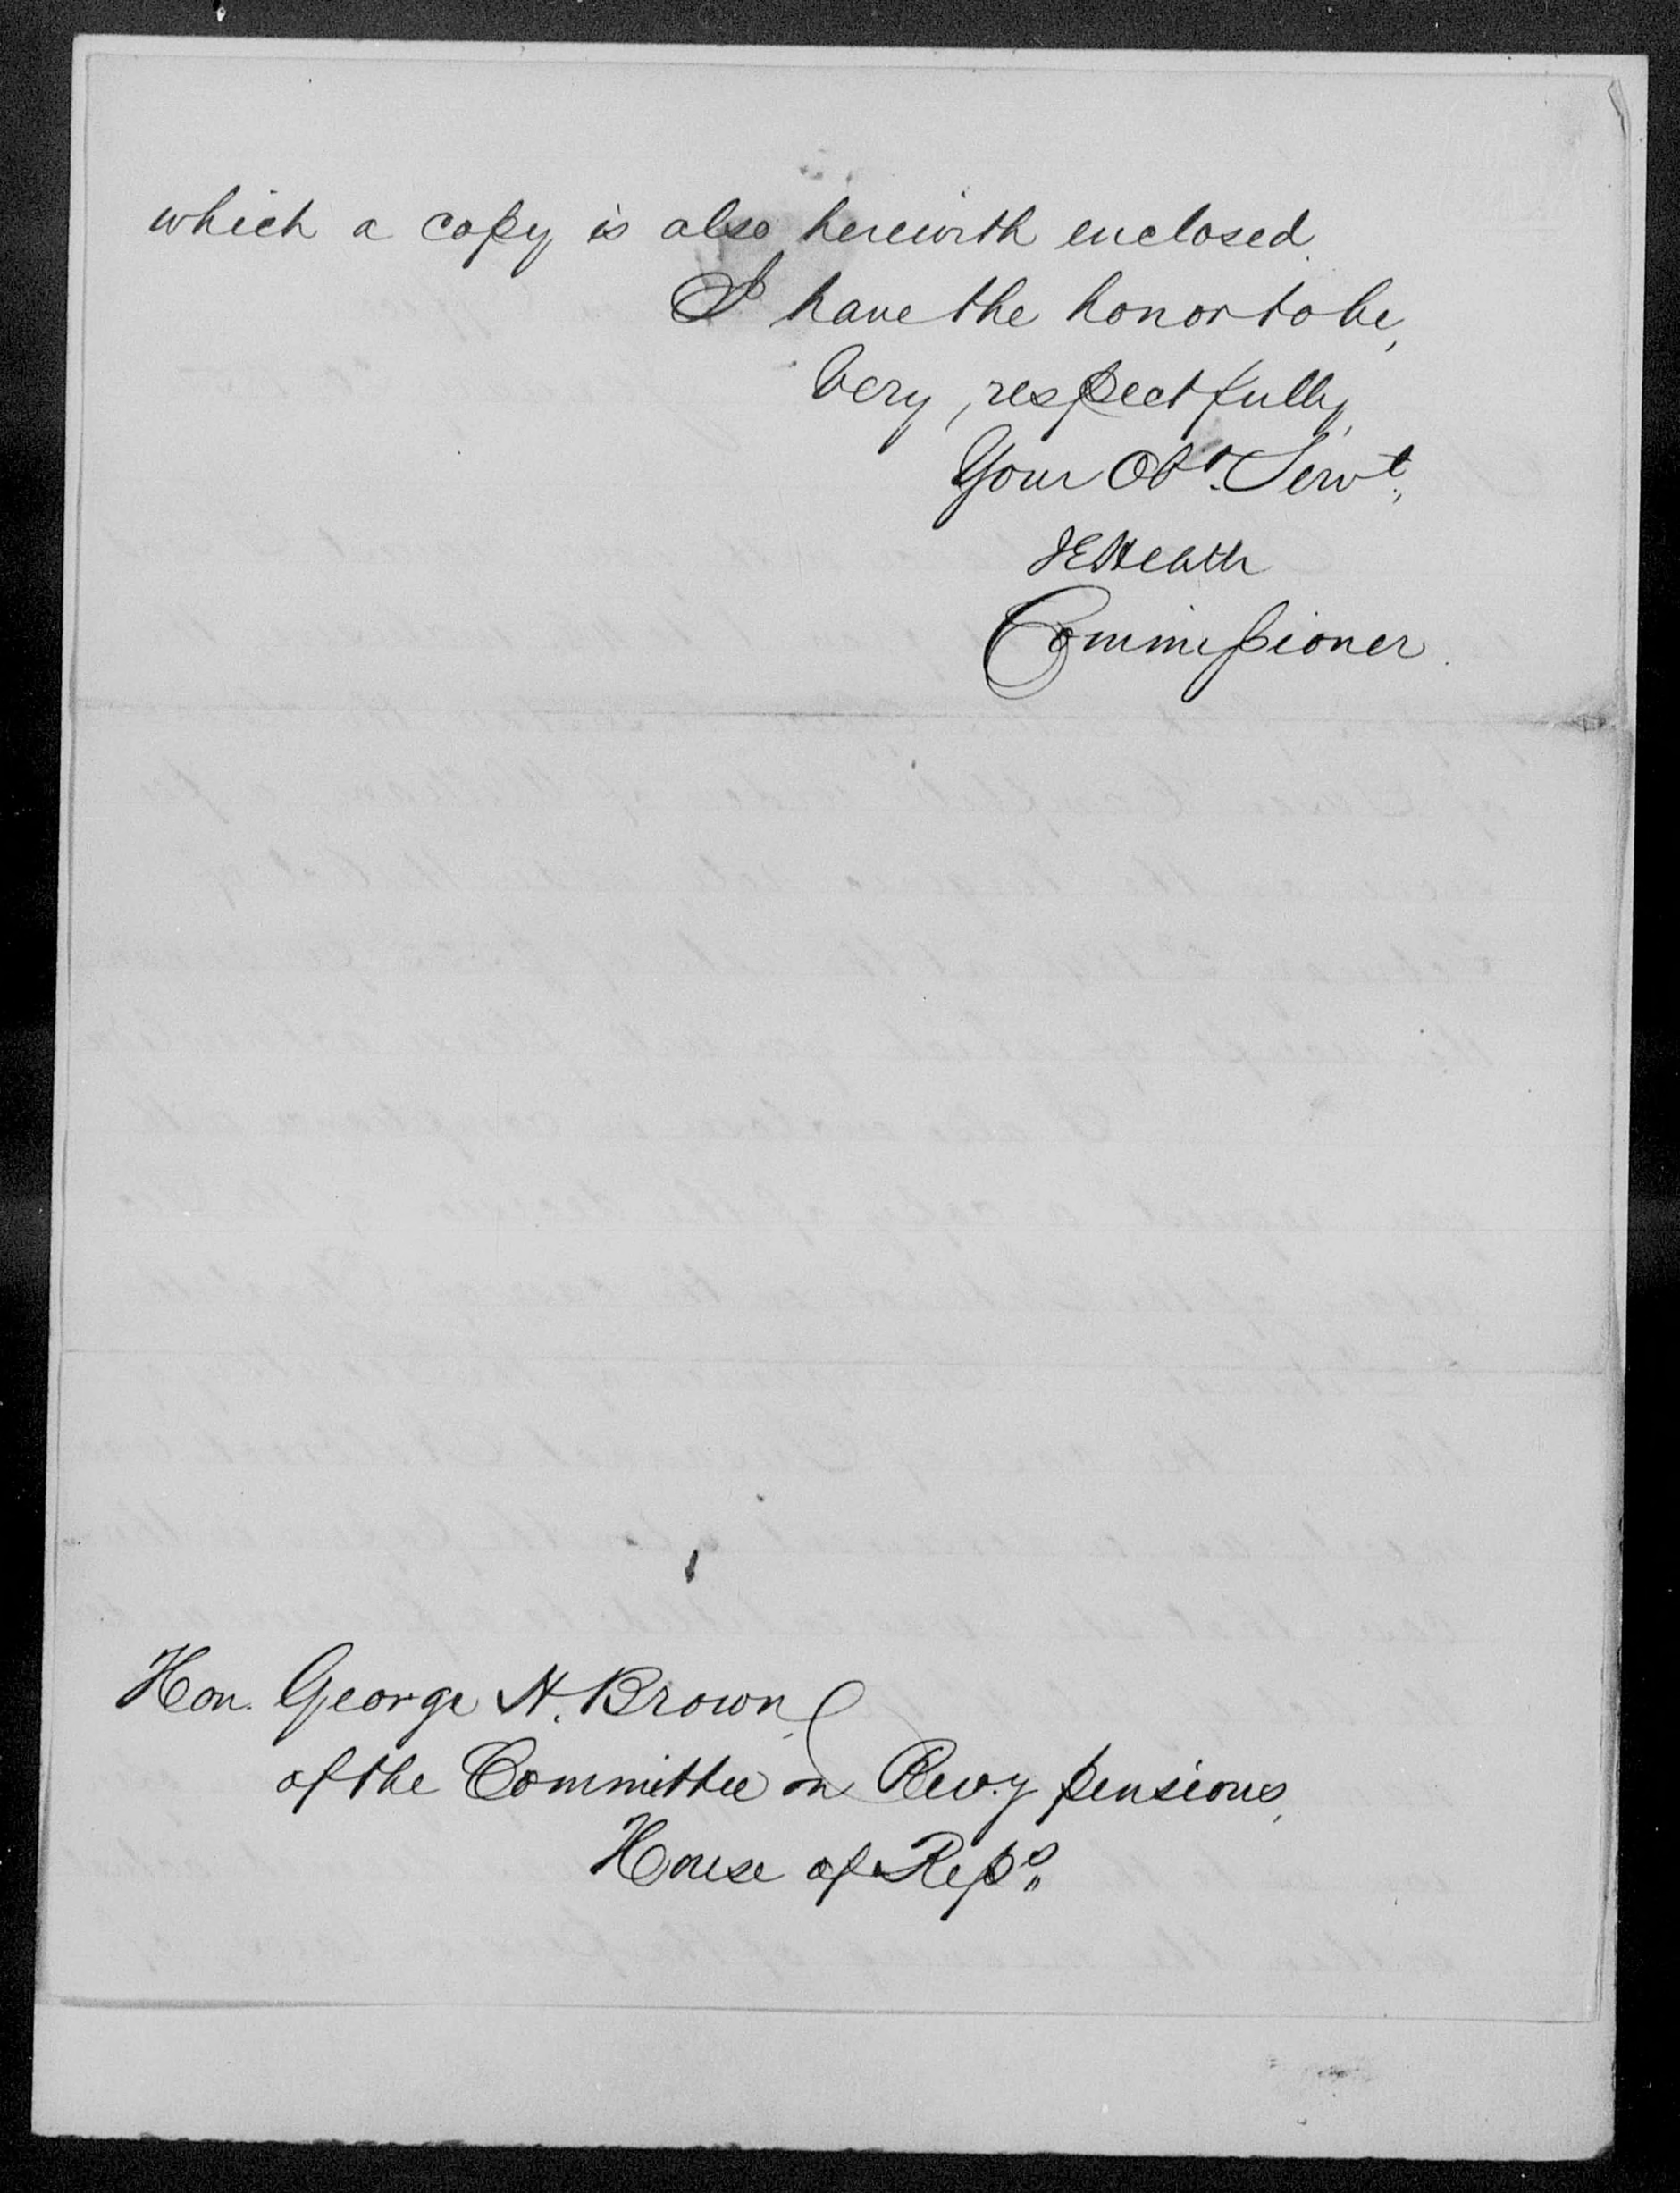which a copy is also herewith enclosed.
I have the honor to be,
Very, respectfully,
Your Obt. Servt.
JE Heath
Commissioner



Hon. George H. Brown
of the Committee on Revy. pensions.
House of Reps.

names: George H Brown, J E Heath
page: 124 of 267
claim: widow's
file: W. 4,149, William Campbell, Va.